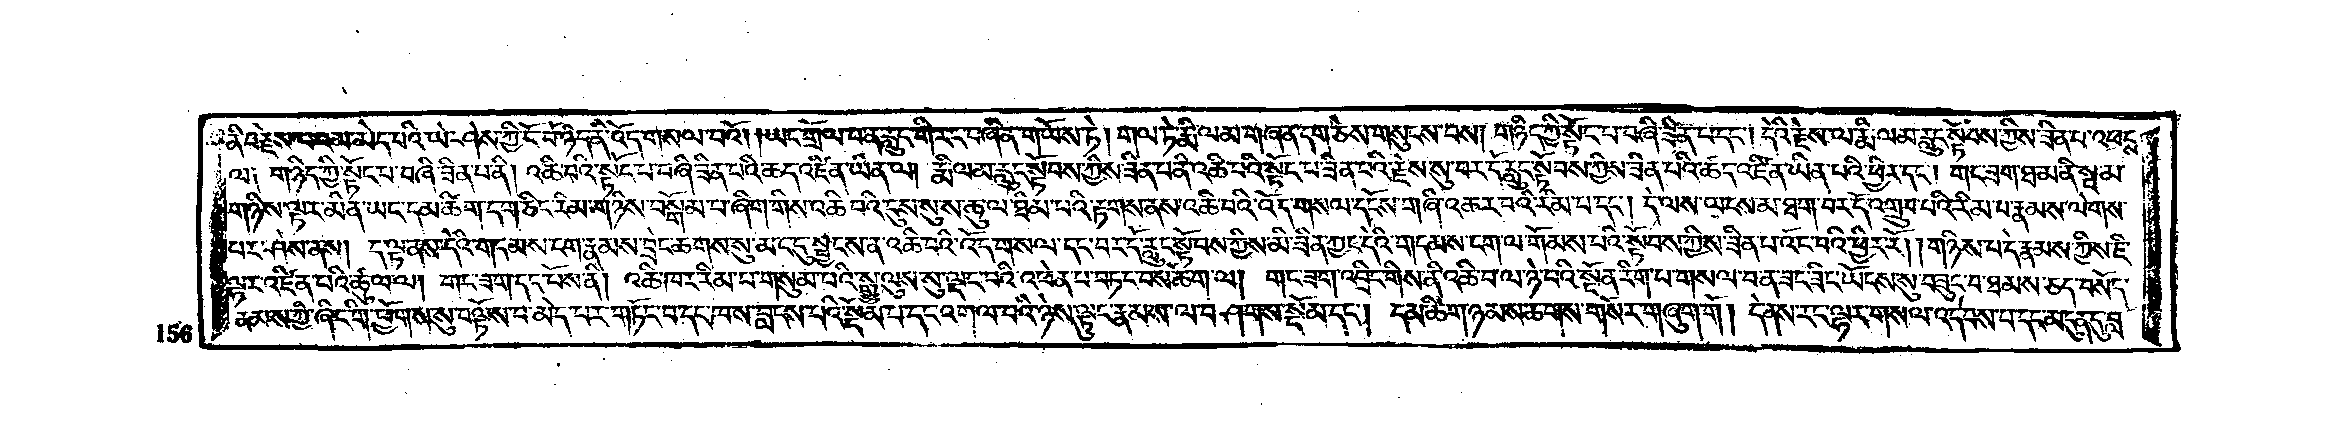ནི་བརྗེས་པའམ་མེད་པའི་ཡེ་ཤེས་ཀྱི་ངོ་བོ་ཉིད་ནི་འོད་གསལ་བའོ། །ཡང་གྲོལ་བ་ན་རླུང་གི་རང་བཞིན་གཡོས་ཏེ། གལ་ཏེ་རྨི་ལམ་གཞན་དག་ཅེས་གསུངས་པས། གཉིད་ཀྱི་སྟོང་པ་བཞི་ཟིན་པ་དང་། དེའི་རྗེས་ལ་རྨི་ལམ་རླུང་སྟོབས་ཀྱིས་ཟིན་པ་འཕངས་
ལ། གཉིད་ཀྱི་སྟོང་པ་བཞི་ཟིན་པ་ནི། འཆི་བའི་སྟོང་པ་བཞི་ཟིན་པའི་ཆད་འཛིན་ཡིན་ལ། རྨི་ལམ་རླུང་སྟོབས་ཀྱིས་ཟིན་པ་ནི་འཆི་པའི་སྟོང་པ་ཟིན་པའི་རྗེས་སུ་བར་དོ་རླུང་སྟོབས་ཀྱིས་ཟིན་པའི་ཚད་འཛིན་ཡིན་པའི་ཕྱིར་དང་། གང་ཟག་ཐ་མ་ནི་སྔ་མ་
གཉིས་ལྟར་མིན་ཡང་དམ་ཚིག་དག་ཅིང་རིམ་གཉིས་བསྒོམ་པ་ཞིག་གིས་འཆི་བའི་དུས་སུ་ས་ཆུ་ལ་ཐིམ་པའི་རྟགས་ནས་འཆི་བའི་འོད་གསལ་དངོས་གཞི་འཆར་བའི་རིམ་པ་དང་། དེ་ལས་ལངས་མ་ཐག་བར་དོ་འགྲུབ་པའི་རིམ་པ་རྣམས་ལེགས་
པར་ཤེས་ནས། ད་ལྟ་ནས་དེའི་གདམས་ངག་རྣམས་བྲེང་ཆགས་སུ་མང་དུ་སྦྱངས་ན་འཆི་བའི་འོད་གསལ་དང་བར་དོ་རླུང་སྟོབས་ཀྱིས་མི་ཟིན་ཀྱང་དེའི་གདམས་ངག་ལ་གོམས་པའི་སྟོབས་ཀྱིས་ཟིན་པ་འོང་བའི་ཕྱིར་རོ། །གཉིས་པ་དེ་རྣམས་ཀྱིས་ཇི་
ལྟར་འཛིན་པའི་ཚུལ་ལ། གང་ཟག་དང་པོས་ནི། འཆི་ཁར་རིམ་པ་གསུམ་པའི་སྒྱུ་ལུས་སུ་ལྡང་བའི་འཕེན་པ་བཏང་བས་ཆོག་ལ། གང་ཟག་འབྲིང་གིས་ནི་འཆི་བ་ལ་ཉེ་བའི་སྔོན་རིག་པ་གསལ་བ་ན་ཟང་ཟིང་ཡོངས་སུ་བཟུང་བ་ཐམས་ཅད་བསོད་
ནམས་ཀྱི་ཞིང་གི་ཕྱོགས་སུ་བལྟོས་པ་མེད་པར་གཏོང་བ་དང་ཁས་བླངས་པའི་སྡོམ་པ་དང་འགལ་བའི་ཉེས་ལྟུང་རྣམས་ལ་བཤགས་སྡོམ་དང་། དམ་ཚིག་ཉམས་ཆགས་གསོར་གཞུག་གོ། དེ་ནས་རང་ལྷར་གསལ་འདེབས་པ་དང་མདུན་དུ་བླ་